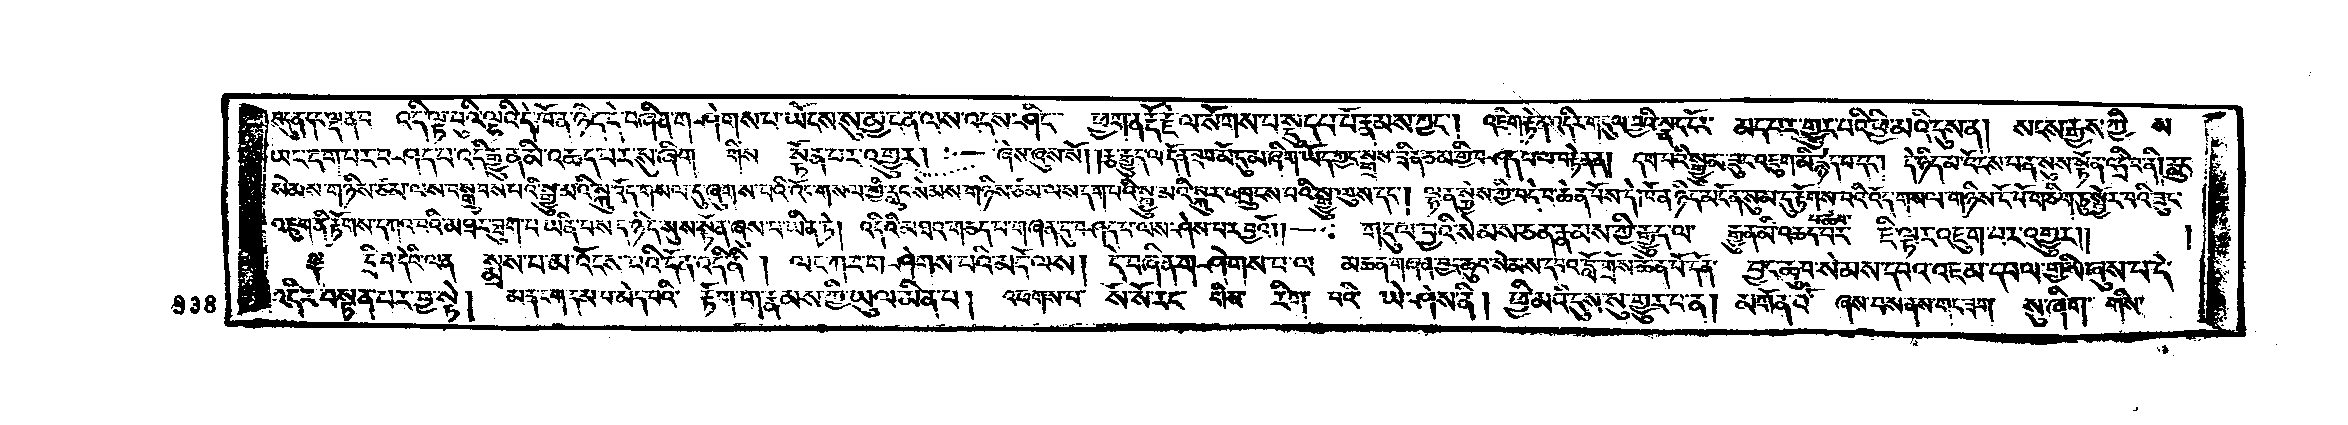བདུན་དང་ལྡན་པ་འདི་ལྟ་བུའི་ལྷའི་དེ་ཁོ་ན་ཉིད་དེ་བཞིན་གཤེགས་པ་ཡོངས་སུ་མྱ་ངན་ལས་འདས་ཤིང་། ཕྱག་ན་རྡོ་རྗེ་ལ་སོགས་པ་སྡུད་པ་པོ་རྣམས་ཀྱང་། འཇིག་རྟེན་འདིར་གདུལ་བྱའི་སྣང་ངོར་མེད་པར་གྱུར་བའི་ཕྱི་མའི་དུས་ན། སངས་རྒྱས་ཀྱིས་
ཡང་དག་པར་བཤད་པ་འདི་རྒྱུན་མི་འཆད་པར་སུ་ཞིག་གིས་སྟོན་པར་འགྱུར། H.་ཞེས་ཞུས་སོ། །རྩ་རྒྱུད་ལ་དོན་ཟབ་མོ་དུ་མ་ཞིག་ཡོད་ཀྱང་སྒྲས་ཟིན་ཙམ་གྱི་བཤད་པ་ལ་བརྟེན་ན། དག་པའི་སྒྱུ་མ་ཟུང་འཇུག་མི་རྙེད་པ་དང་། དེ་ཉིད་མ་འོངས་པ་ན་སུས་སྟོན་འདྲི་བ་ནི། རླུང་
སེམས་གཉིས་ཙམ་ལས་བསྒྲུབས་པའི་སྒྱུ་མའི་སྐུ་འོད་གསལ་དུ་ཞུགས་པའི་འོད་གསལ་གྱི་རླུང་སེམས་གཉིས་ཙམ་ལས་དག་པའི་སྒྱུ་མའི་སྐུར་འཁྲུངས་པའི་སྒྱུ་ལུས་དང་། ལྷན་སྐྱེས་ཀྱི་བདེ་བ་ཆེན་པོས་དེ་ཁོ་ན་ཉིད་མངོན་སུམ་དུ་རྟོགས་པའི་འོད་གསལ་གཉིས་ངོ་བོ་གཅིག་ཏུ་སྦྱོར་བའི་ཟུང་
འཇུག་ནི་རྟོགས་དཀའ་བའི་མཐར་ཐུག་པ་ཡིན་པས་དེ་ཉིད་སུས་སྟོན་ཞུས་པ་ཡིན་ཏེ། འདིའི་མཐའ་གཅད་པ་གཞན་དུ་བཤད་པ་ལས་ཤེས་པར་བྱའོ།། .H གདུལ་བྱའི་སེམས་ཅན་རྣམས་ཀྱི་རྒྱུད་ལ་རྒྱུན་མི་འཆད་པར་པ་ཚབ་ཇི་ལྟར་འཇུག་པར་འགྱུར།། །
༈ དྲི་བ་དིའི་ལན་སྨྲས་པ་མ་འོངས་པའི་དོན་འདི་ནི། ལང་ཀར་གཤེགས་པའི་མདོ་ལས། དེ་བཞིན་གཤེགས་པ་ལ་མཚན་གཞན་བྱང་ཆུབ་སེམས་དཔའ་བློ་གྲོས་ཆེན་པོ་དོན་བྱང་ཆུབ་སེམས་དཔའ་འཇམ་དཔལ་གྱིས་ཞུས་པ་དེ་
འདིར་བསྟན་པར་བྱ་སྟེ། མན་ངག་དམ་པ་མེད་པའི་རྟོག་ག་རྣམས་ཀྱི་ཡུལ་མིན་པ། འཕགས་པ་སོ་སོ་རང་གིས་རིག་པའི་ཡེ་ཤེས་ནི། ཕྱི་མའི་དུས་སུ་གྱུར་པ་ན། མགོན་པོ་ཞེས་པས་ནས་གང་ཟག་སུ་ཞིག་གིས